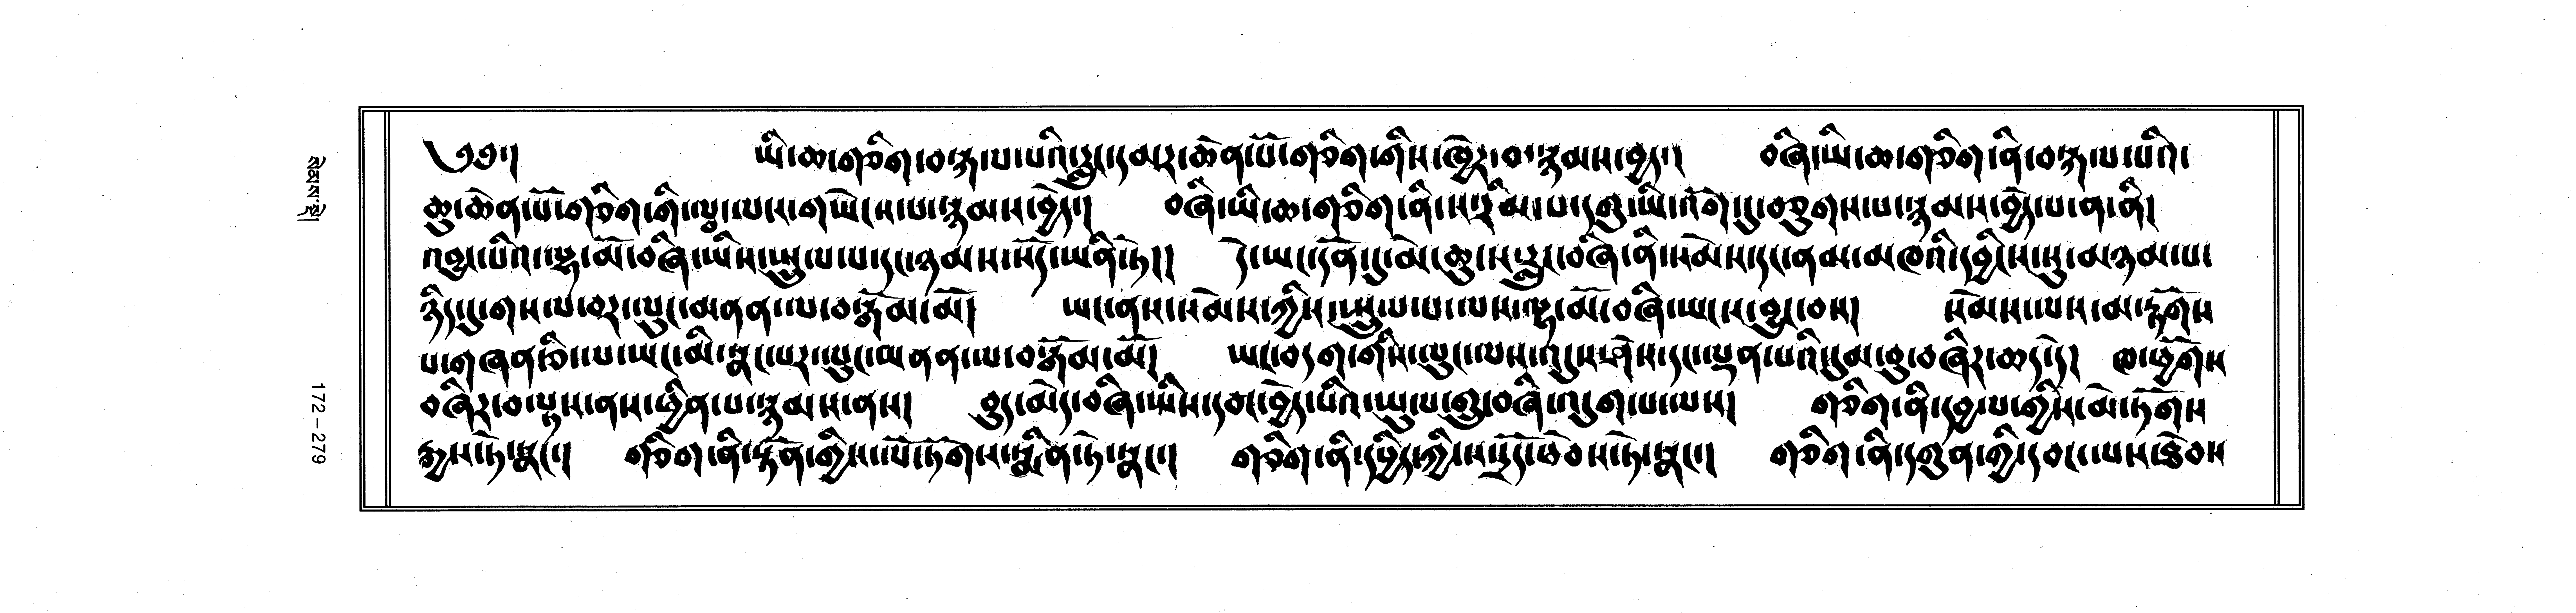བསྐལ་པའི་རླུང་དམར་ཆེན་པོ་གཅིག་གིས་ཁྱེར་བ་སྙམས་བྱེད། བཞི་ཡི་ཆ་གཅིག་ནི་བསྐལ་པའི་
ཆུ་ཆེན་པོ་གཅིག་གི་ལྦ་ལས་གཡེངས་པ་སྙམས་བྱེད། བཞི་ཡི་ཆ་གཅིག་ནི་ས་རིམ་པ་དགུ་ཡི་འོག་དུ་བཅུགས་པ་སྙམས་བྱེད་པ་ནི། 
འབྱུང་པའི་ལྷ་མོ་བཞི་ཡིས་སྤྲུལ་པ་དང་ཉམས་སོད་ཡིན་ཏེ། དེ་ཡང་དོན་དུ་མེ་ཆུ་ས་རླུང་བཞི་ནི་སེམས་དང་ནམ་མཁའི་དབྱིངས་སུ་མཉམ་པ་
ཉིད་དུ་གསལ་བར་ལུང་མནན་ལ་བསྒོམ་མོ། ཡང་ནས་སེམས་ཀྱིས་སྤྲུལ་པ་ལས་ལྷ་མོ་བཞི་ཡང་བྱུང་བས། སེམས་ལས་མ་རྟོགས་
པ་གཞན་ཅི་ལ་ཡང་མི་སྣང་པར་ལུང་མནན་ལ་བསྒོམ་མོ། ཡང་དག་གིས་ལུང་ལས་འདུས་ཤེས་དང་ལྡན་པའི་དུམ་བུ་བཞིར་ཆད་དེ། ཁ་ཕྱོགས་
བཞིར་བལྟས་ནས་ཕྱིན་པ་སྙམས་ནས། བུད་མེད་བཞི་ཡིས་དབང་བྱེད་པའི་ཡུལ་གྲུ་བཞི་འདུག་པ་ལས། གཅིག་ནི་དབྱལ་གྱིས་མེ་ཏོག་
རྒྱས་ཏེ་སྣང་། གཅིག་ནི་སྟོན་གྱིས་ལོ་ཏོག་སྨིན་ཏེ་སྣང་། གཅིག་ནི་དཔྱིད་ཀྱི་ས་དྲོད་ཕེབས་ཏེ་སྣང་། གཅིག་ནི་དགུན་གྱི་དབང་ལས་ཐེབས་